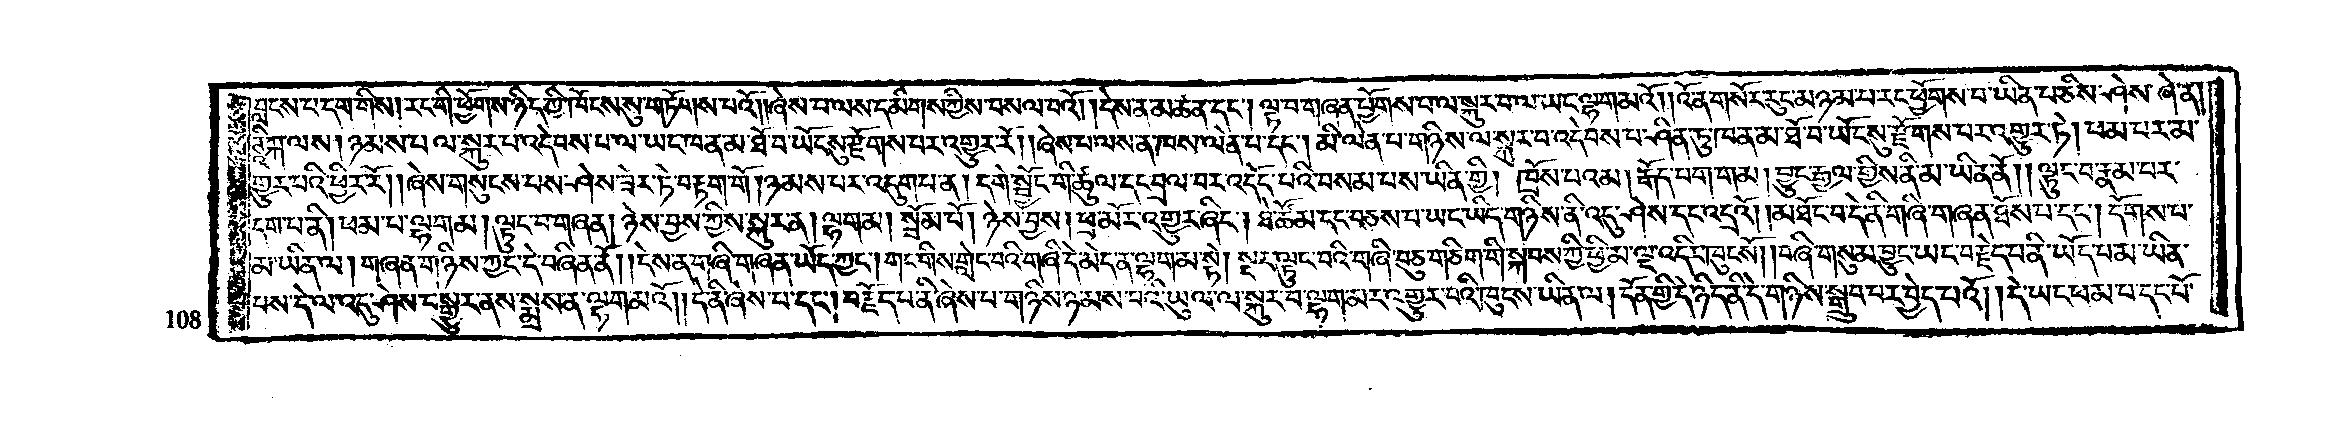བླངས་པ་དག་གིས། རང་གི་ཕྱོགས་ཉིད་ཀྱི་ཁོངས་སུ་གཏོགས་པའོ། །ཞེས་པ་ལས་དམིགས་ཀྱིས་བསལ་བའོ། །དེས་ན་མཚན་དང་། ལྟ་བ་གཞན་ཕྱོགས་པ་ལ་སྐུར་བ་ལ་ཡང་ལྷག་མའོ། །འོ་ན་གསོར་རུང་མཉམ་པ་རང་ཕྱོགས་པ་ཡིན་པ་ཅིས་ཤེས་ཞེ་ན།
ཊཱིཀྐ་ལས། ཉམས་པ་ལ་སྐུར་པ་འདེབས་པ་ལ་ཡང་ཁ་ན་མ་ཐོ་བ་ཡོངས་སུ་རྫོགས་པར་འགྱུར་རོ། །ཞེས་པ་ལས་ན་ཁས་ལེན་པ་དང་། མི་ལེན་པ་གཉིས་ལ་སྐུར་པ་འདེབས་པ་ཤིན་ཏུ་ཁ་ན་མ་ཐོ་བ་ཡོངས་སུ་རྫོགས་པར་འགྱུར་ཏེ། ཕམ་པར་མ་
གྱུར་བའི་ཕྱིར་རོ། །ཞེས་གསུངས་པས་ཤེས་ཟེར་ཏེ་བརྟག་གོ །ཉམས་པར་འདུག་པ་ན། དགེ་སྦྱོང་གི་ཚུལ་དང་བྲལ་བར་འདོད་པའི་བསམ་པས་ཡིན་གྱི། ཁྲོས་པའམ། རྒོད་པག་གམ། བྱུང་རྒྱལ་གྱིས་ནི་མ་ཡིན་ནོ། །ལྟུང་བ་རྣམ་པར་
དག་པ་ནི། ཕམ་པ་ལྷག་མ། ལྟུང་བ་གཞན། ཉེས་བྱས་ཀྱིས་སྐུར་ན། ལྷག་མ། སྦོམ་པོ། ཉེས་བྱས། ཕྲ་མོར་འགྱུར་ཞིང་། ཐེ་ཚོམ་དང་བཅས་པ་ཡང་ཡིད་གཉིས་ནི་འདུ་ཤེས་དང་འདྲའོ། །མཐོང་བ་དེ་ནི་གཞི་གཞན་ཐོས་པ་དང་། དོགས་པ་
མ་ཡིན་ལ། གཞན་གཉིས་ཀྱང་དེ་བཞིན་ནོ། །དེས་ན་གཞི་གཞན་ཡོད་ཀྱང་། གང་གིས་གླེང་བའི་གཞི་དེ་མེད་ན་ལྷག་མ་སྟེ། སྔར་ལྟུང་བའི་གཞི་བཅུ་གཅིག་གི་སྐབས་ཀྱི་ཕྱི་མ་ལྔ་འདིར་ཁུངས་སོ། །བཞི་གསུམ་བྱུང་ཡང་བརྗེད་པ་ནི་ཡོད་པ་མ་ཡིན་
པས་དེ་ལ་འདུ་ཤེས་བསྒྱུར་ནས་སྨྲས་ན་ལྷག་མའོ། །དེ་ནི་ཞེས་པ་དང་། བརྗོད་པ་ནི་ཞེས་པ་གཉིས་ཉམས་པའི་ཡུལ་ལ་སྐུར་བ་ལྷག་མར་འགྱུར་བའི་ཁུངས་ཡིན་ལ། དོན་གྱི་དེ་ཉིད་ནི་དེ་གཉིས་སྒྲུབ་པར་བྱེད་པའོ། །དེ་ཡང་ཕམ་པ་དང་པོ་